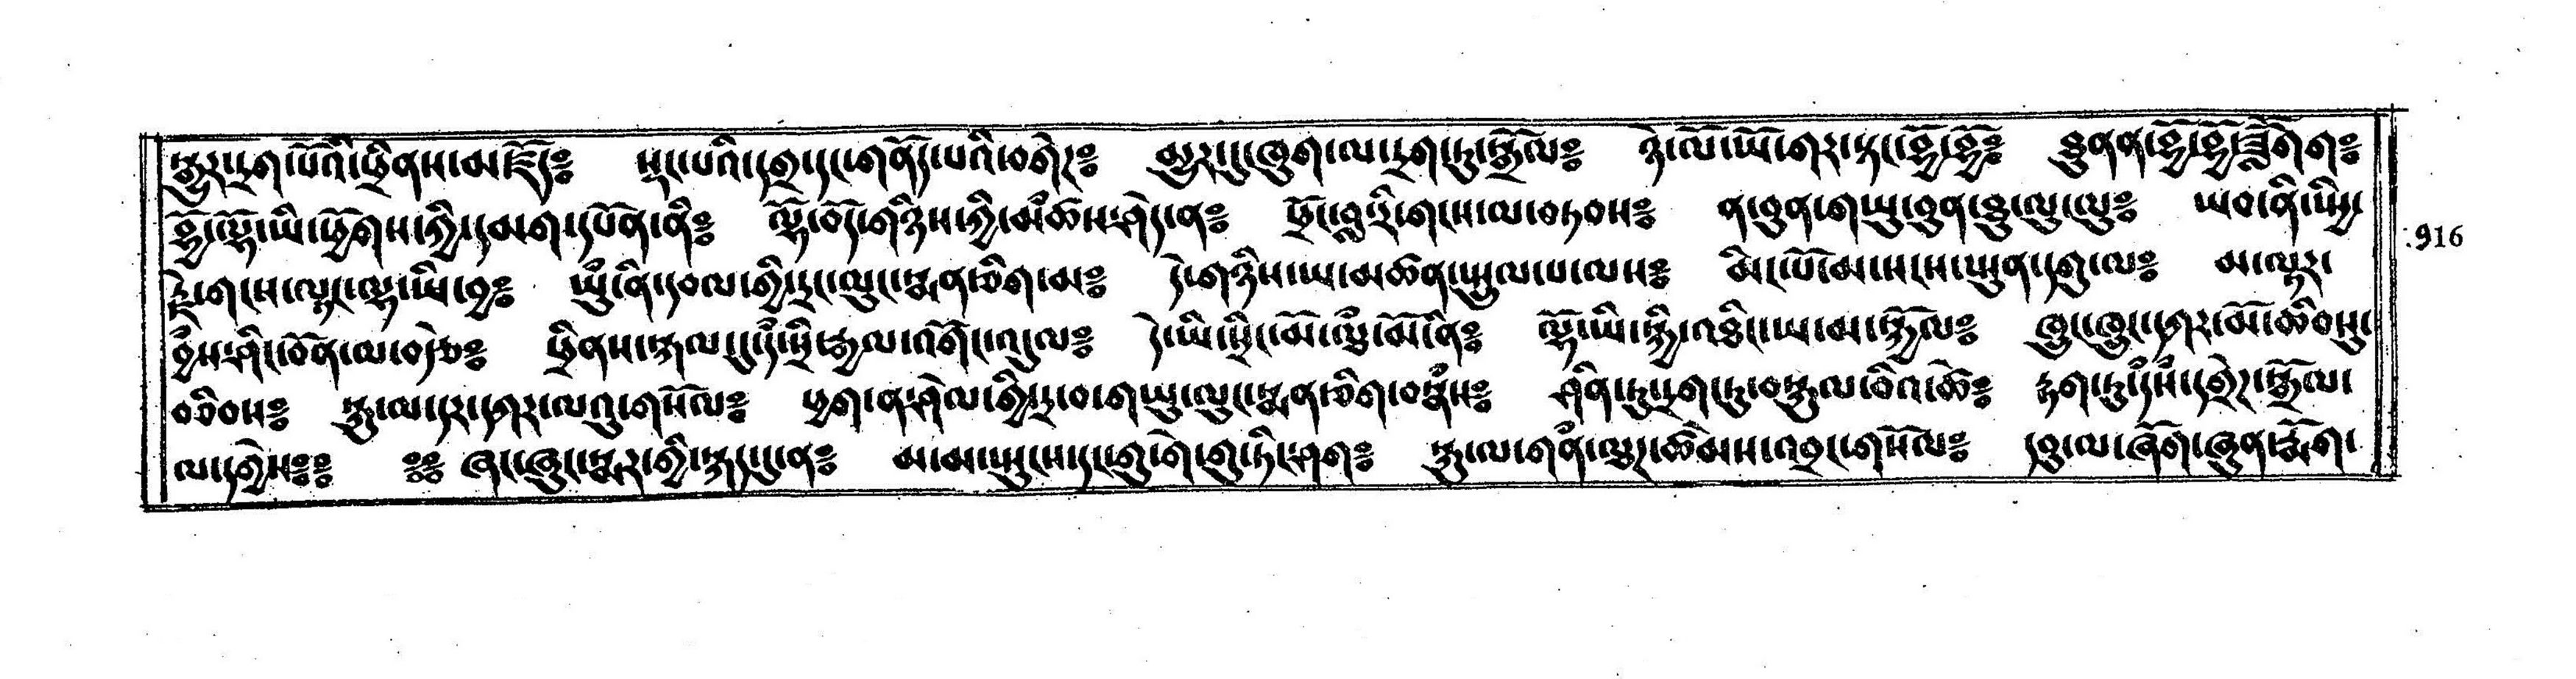སྒྱུར་དྲག་པོའི་ཕྲིན་ལས་མཛོད༔ སྡང་པའི་དགྲ་དང་གནོད་པའི་བགེགས༔ མྱུར་དུ་ཁུག་ལ་དྲག་ཏུ་སྒྲོལ༔ ཉེ་ལོ་ཡོ་གར་སྟང་བྷྱོ་བྷྱོ༔ ཐུན་ཐུན་བྷྱོ་བྷྱོ་ཟློག་ཟློག༔ 
བྷྱོ་ལྷོ་ཡི་ཕྱོགས་ཀྱི་དམག་དཔོན་ནི༔ ལྷོ་བོད་གཉིས་ཀྱི་མཚམས་ཤེད་ན༔ ཕོ་བྲངབླ་རི་གངས་ལ་བཏབས༔ ན་བུན་གཡུ་བུན་ཐུ་ལུ་ལུ༔ ཡབ་ནི་སྤྱི་
རྗེ་གངས་ལྷང་ལྷ་ཡི་བྱ༔ ཡུམ་ནི་དབལ་གྱི་དྲང་ལུང་སྨན་ཅིག་མ༔ དེ་གཉིས་ཡ་མཚན་སྤྲུལ་པ་ལས༔ མིང་པོ་མ་སངས་སྤུན་དགུ་ལ༔ མ་ལྟར་
བྱམས་ཤིང་བོན་ལ་བརྩེ༔ ཕྲིན་ལས་སྐལ་དུ་དམ་སྲི་རྒྱལ་འགོང་འདུལ༔ དེ་ཡི་སྲིང་མོ་ལྕམ་མོ་ནི༔ ལྷོ་ཡི་སྐྱི་འཐིང་ཡ་མ་སྐྱོལ༔ ཁྲུང་ཁྲུང་དཀར་མོ་ཆིབས་སུ་
བཅིབས༔ སྐུ་ལ་དར་དཀར་ལའུ་གསོལ༔ ཕྱག་ན་ཤེལ་གྱི་དྲ་བ་གཡུ་ལུང་སྨན་ཅིག་བསྣམས༔ ཤིན་ཏུ་དྲག་ཏུ་བསྐུལ་བའི་ཚེ༔ རྟག་ཏུ་དམ་རྫས་དགྲ་བགེགས་སྒྲོལ་
ལ་དགྱེས༔༔ ༔༔ཞང་ཞུང་སྨར་གྱི་སྐད་དུ་ན༔ མ་མ་སྤུངས་དང་གུ་གེ་གུ་ཏིང་ཤག༔ སྐུ་ལ་གནམ་ལྕགས་ཚེམས་འབྲང་གསོལ༔ དབུ་ལ་ཞོག་ཞུན་རྨོག་